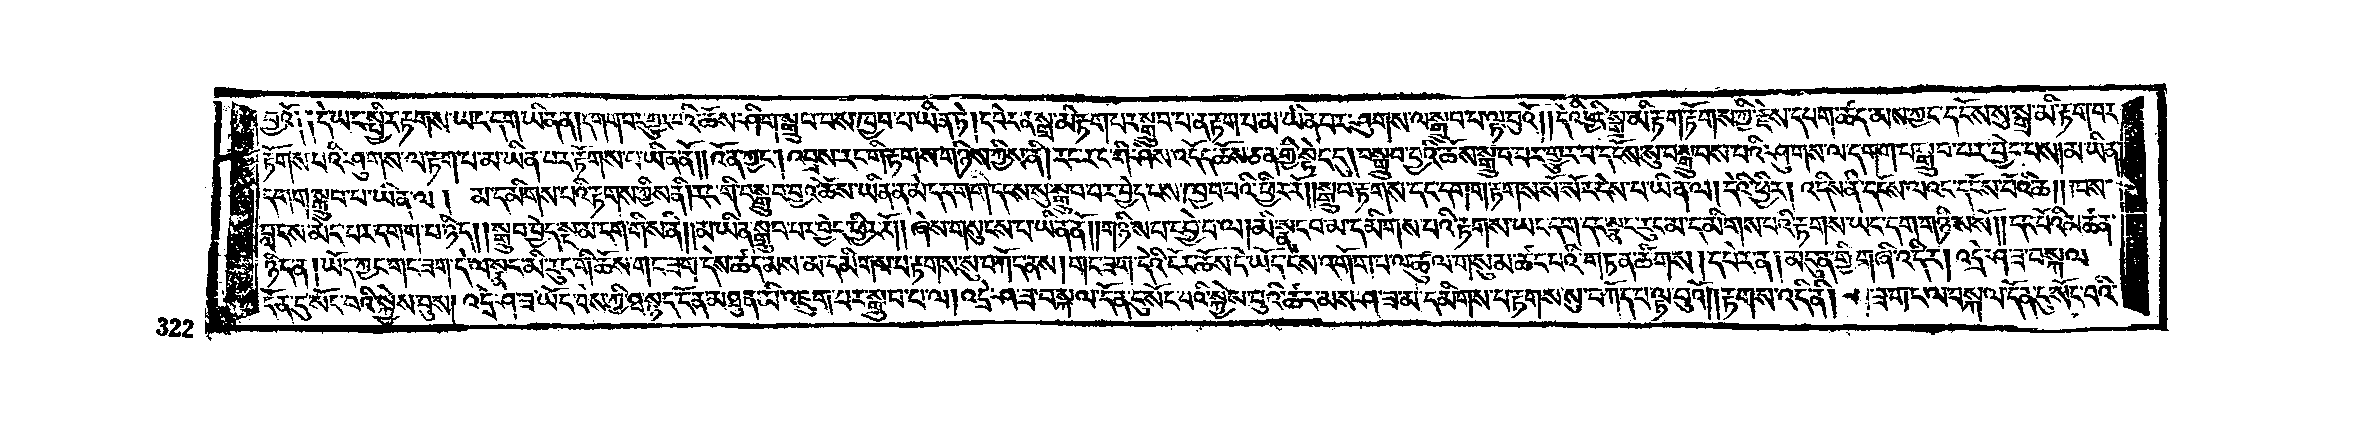བྱའོ༑ ༑དེ་ཡང་སྤྱིར་རྟགས་ཡང་དག་ཡིན་ན། དགག་པར་གྱུར་པའི་ཆོས་ཤིག་སྒྲུབ་པས་ཁྱབ་པ་ཡིན་ཏེ། དཔེར་ན་སྒྲ་མི་རྟག་པར་སྒྲུབ་པ་ན་རྟག་པ་མ་ཡིན་པར་ཤུགས་ལ་སྒྲུབ་པ་ལྟ་བུའོ། །དེའི་ཕྱིར་སྒྲ་མི་རྟག་རྟོགས་ཀྱི་རྗེས་དཔག་ཚད་མས་ཀྱང་དངོས་སུ་སྒྲ་མི་རྟག་པར་
རྟོགས་པའི་ཤུགས་ལ་རྟག་པ་མ་ཡིན་པར་རྟོགས་པ་ཡིན་ནོ། །འོན་ཀྱང་། འབྲས་རང་གི་རྟགས་གཉིས་ཀྱིས་ནི། རང་རང་གི་ཤེས་འདོད་ཆོས་ཅན་གྱི་སྟེང་དུ། བསྒྲུབ་བྱའི་ཆོས་སྒྲུབ་པར་གྱུར་པ་དངོས་སུ་བསྒྲུབས་པའི་ཤུགས་ལ་དགག་པ་སྒྲུབ་པར་བྱེད་པས། མ་ཡིན་
དགག་སྒྲུབ་པ་ཡིན་ལ། མ་དམིགས་པའི་རྟགས་ཀྱིས་ནི། རང་གི་བསྒྲུབ་བྱའི་ཆོས་ཡིན་ན་མེད་དགག་དངོས་སུ་སྒྲུབ་པར་བྱེད་པས་ཁྱབ་པའི་ཕྱིར་རོ། །སྒྲུབ་རྟགས་དང་དགག་རྟགས་སོ་སོར་ངེས་པ་ཡིན་ལ། དེའི་ཕྱིར། འདིས་ནི་དངོས་ལའང་དངོས་པོའི་ཆ། །ཁས་
བླངས་མེད་པར་དགག་པ་ཉིད། །སྒྲུབ་བྱེད་སྔ་མ་དག་གིས་ནི། །མ་ཡིན་སྒྲུབ་པར་བྱེད་ཕྱིར་རོ། །ཞེས་གསུངས་པ་ཡིན་ནོ། །གཉིས་པ་དབྱེ་བ་ལ། མི་སྣང་བ་མ་དམིགས་པའི་རྟགས་ཡང་དག་དང་སྣང་རུང་མ་དམིགས་པའི་རྟགས་ཡང་དག་གཉིས་སོ། །དང་པོའི་མཚན་
ཉིད་ནི། ཡོད་ཀྱང་གང་ཟག་དེ་ལ་སྣང་མི་རུང་གི་ཆོས་གང་ཟག་དེས་ཚད་མས་མ་དམིགས་པ་རྟགས་སུ་བཀོད་ནས། གང་ཟག་དེའི་ངོར་ཆོས་དེ་ཡོད་ངེས་འགོག་པ་ལ་ཚུལ་གསུམ་ཚང་བའི་གཏན་ཚིགས། དཔེར་ན། མདུན་གྱི་གཞི་འདིར། འདྲེ་ཤ་ཟ་བསྐལ་
དོན་དུ་སོང་བའི་སྐྱེས་བུས། འདྲེ་ཤ་ཟ་ཡོད་ངེས་ཀྱི་ཐ་སྙད་དོན་མཐུན་མི་འཇུག་པར་སྒྲུབ་པ་ལ། འདྲེ་ཤ་ཟ་བསྐལ་དོན་དུ་སོང་བའི་སྐྱེས་བུའི་ཚད་མས་ཤ་ཟ་མ་དམིགས་པ་རྟགས་སུ་བཀོད་པ་ལྟ་བུའོ། །རྟགས་འདི་ནི། ཤ་ཟ་གང་ལ་བསྐལ་དོན་དུ་སོང་བའི་